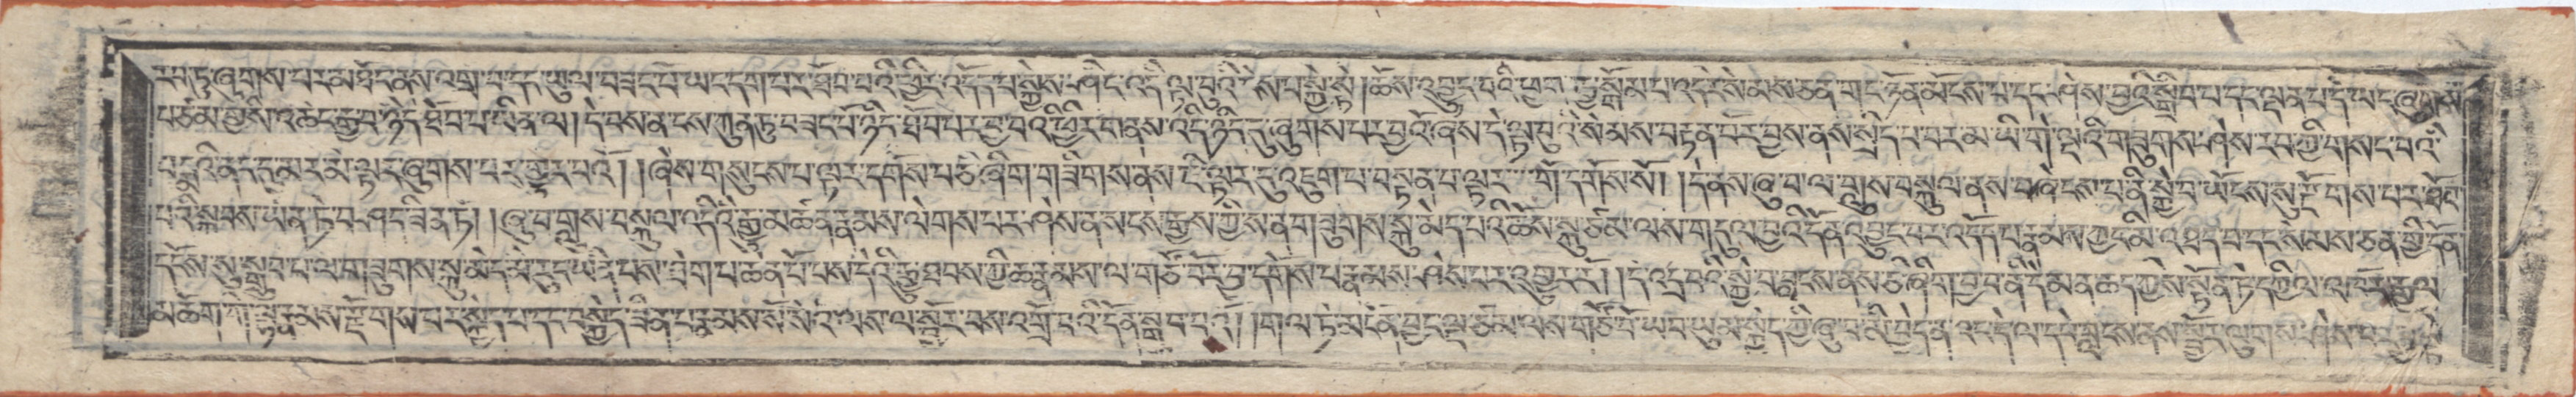རབ་ཏུ་ཞུགས་པར་མཐོང་ནས་འགྲོ་བ་དང་ཡུལ་བཟང་པོ་ཡང་དག་པར་ཐོབ་པའི་ཕྱིར་འདོད་པ་སྐྱེས་ཤིང་འདི་ལྟ་བུའི་ངེས་པ་སྐྱེ་སྟེན་།ཆོས་འབྱུང་བའི་ཕྱག་རྒྱ་སྒོམ་པ་འདིར་སེམས་ཅན་གང་ཉོན་མོངས་པ་དང་ཤེས་བྱའི་སྒྲིབ་པ་དང་ལྡན་པ་དེ་ཡང་ཞུགས་
པ་ཙམ་གྱི་སི་འཚང་རྒྱ་བ་ཉིད་ཐོབ་པ་ཡིན་ལ། དེ་བས་ན་ངས་ཀུན་ཏུ་བཟང་པོ་ཉིད་ཐོབ་པར་བྱ་བའི་ཕྱིར་གནས་འདི་ཉིད་དུ་ཞུགས་པར་བྱའོ་ཞས་དེ་ལྟ་བུའི་སེམས་བརྟན་པོར་བྱས་ནས་སྲིད་པ་བར་མ་ཡི་གེ་ལྔའི་གཟུགས་ཤེས་རབ་ཀྱི་གསང་བའི་
པདམའི་ནང་དུ་མར་མེ་ལྟར་ཞུགས་པར་གྱུར་པའོ། །ཞེས་གསུངས་པ་ལྟར་དགོས་པ་ཅི་ཞིག་གཟིགས་ནས་ཇི་ལྟར་དུ་འཇུག་པ་བསྟན་པ་ལྟར་གོ་དགོས་སོ། །དེ་ནས་ཞུ་བ་ལ་གྲུས་?་བསྐུལ་ནས་བཞེངས་པ་ནི་སྐྱེ་བ་ཡོངས་སུ་རྫོགས་པར་ཐེ་?
པའི་སྐབས་ཡིན་ཏེ་བཤད་ཟིན་ཏོ། །ཞུ་བ་གླུས་བསྐུལ་འདིའི་རྒྱུ་མཚན་རྣམས་ལེགས་པར་ཤེས་ན་སངས་རྒྱས་ཀྱི་ས་ན་གཟུགས་སྐུ་མེད་པའི་ཆོས་སྐུ་ཙམ་ལས་གདུལ་བྱའི་དོན་འབྱུང་བར་འདོད་པ་རྣམས་ཀྱང་མི་འཐད་པ་དང་སེམས་ཅན་གྱི་དེ་
དངོས་སུ་སྒྲུབ་པ་ལ་གཟུགས་སྐུ་མེད་མེ་རུང་ཡིན་པས་ཐེག་པ་ཆེན་པོ་པས་དེའི་རྒྱུ་ཐབས་ཀྱི་ཆ་རྣམས་ལ་གཙོ་བོར་བྱ་དགོས་པ་རྣམས་ཤེས་པར་འགྱུར་རོ། །དེ་འདྲ་བའི་སྐྱེ་བ་བླངས་ནས་ཅི་ཞིག་བྱ་བ་ནི་དེ་མན་ཆད་ཀྱིས་སྟོན་ཏེ་དཀྱིལ་འཁོར་རྒྱལ་
མཆོག་གི་ལྷ་རྣམས་རྫོགས་པར་སྐྱེད་པ་དང་བསྐྱེད་ཟིན་པ་རྣམས་སོ་སོའི་ལས་ལ་སྦྱོར་བས་འགྲོ་བའི་དོན་སྒྲུབ་པའོ། །གལ་ཏེ་མངོན་བྱང་ལྔ་ཙམ་ལས་གཙོ་བོ་ཡབ་ཡུམ་སྐྱེད་ཀྱི་ཞུ་བ་མི་བྱེད་ན་འང་དེ་ལ་དཔེ་བླངས་ནས་སྦྱོར་ལུགས་ཤེས་པར་བྱ་སྟེ་